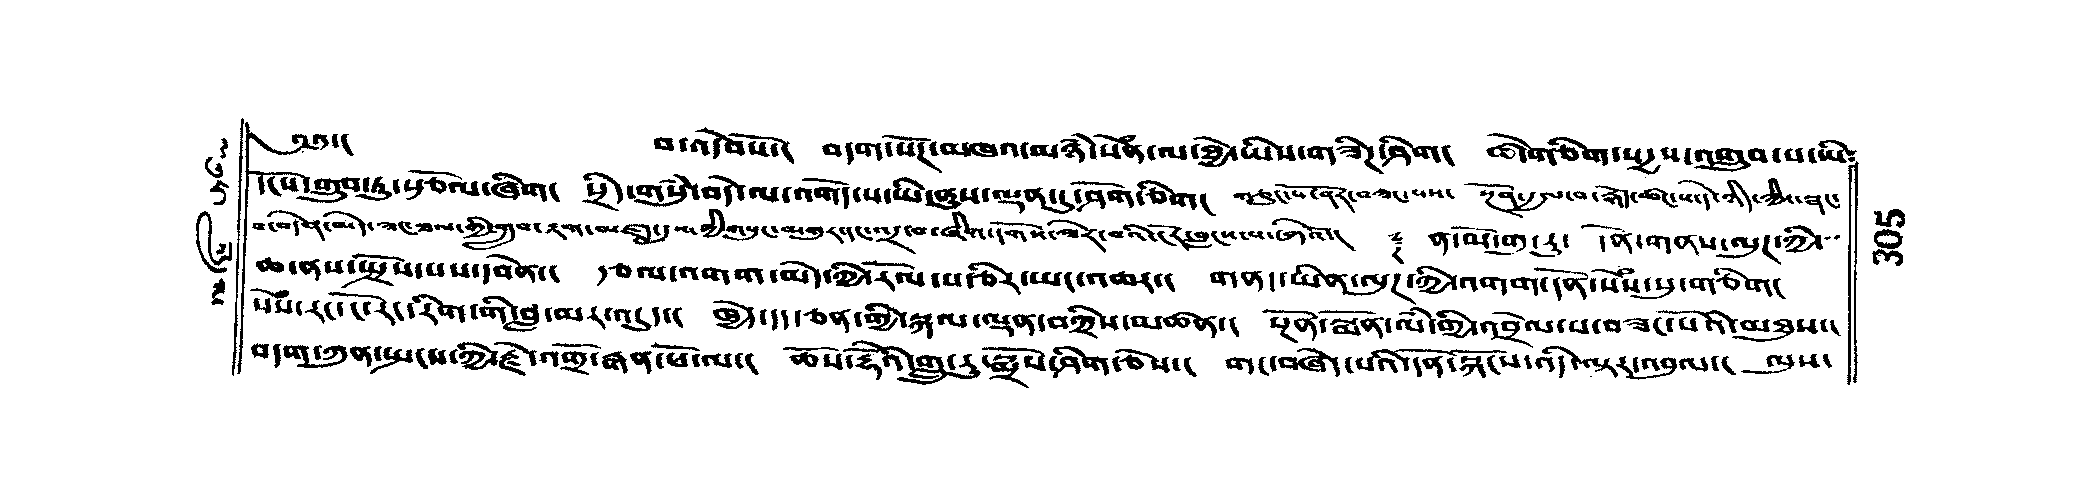བ་འདེབས་སོ། །བདག་སོགས་མཁའ་མཉམ་སེམས་ཅན་ལ་ཐུགས་རྗེ་ཡིས་གཟིགས་ཤིག །ཚེ་གཅིག་སངས་རྒྱས་འགྲུབ་པ་ཡི་
དངོས་གྲུབ་ཏུ་སྩོལ་ཞིག །སྲིད་གསུམ་བདེ་ལ་འགོད་པ་ཡི་ནུས་ལྡན་དུ་ཤོག་ཅིག། གཅུང་པོ་ནོར་བཟང་པས། སྔོན་རྒྱལ་བ་རྒོད་ཚང་པ་དེ་ཉིད་ཀྱི་སྣང་
བ་བདེན་མེད་ཟང་ཐལ་གྱི་གྲུབ་རྟགས་མཛད་དུས་ཀྱི་གསུང་མགུར་དང་འདྲ་བ་ཞིག་དགོས་ཟེར་བའི་ངོར་བླངས་པ་དགེའོ།།༈ ན་མོ་གུ་རུ། དོན་གནས་ལུགས་ཀྱི་
ཆ་ནས་སྤྲོས་པས་དབེན། །རྩལ་འགག་མེད་ཀྱི་རོལ་པ་ཅིར་ཡང་འཆར། །གནད་ཡིན་ལུགས་ཀྱི་འགག་དོན་སེམས་སུ་གཅིག །
སེམས་རང་ངོ་རང་རིག་གི་བླ་མར་འདུད། །ཁྱེད་དད་ཅན་གྱི་སྐལ་ལྡན་བཀྲ་ཤིས་མཚན། །སྔོན་སྨོན་ལམ་གྱི་འབྲེལ་པ་བཟང་པོའི་མཐུས། །
བདག་ཀུན་སྤངས་ཀྱི་རྗེས་འགྲོ་རྒན་པོ་ལ། །ཆོས་རྡོ་རྗེའི་གླུ་རུ་སྨྲོས་ཤིག་ཅེས། །གང་བཞེད་པའི་དོན་སྐོང་འདི་ལྟར་འབུལ། །ལུས་